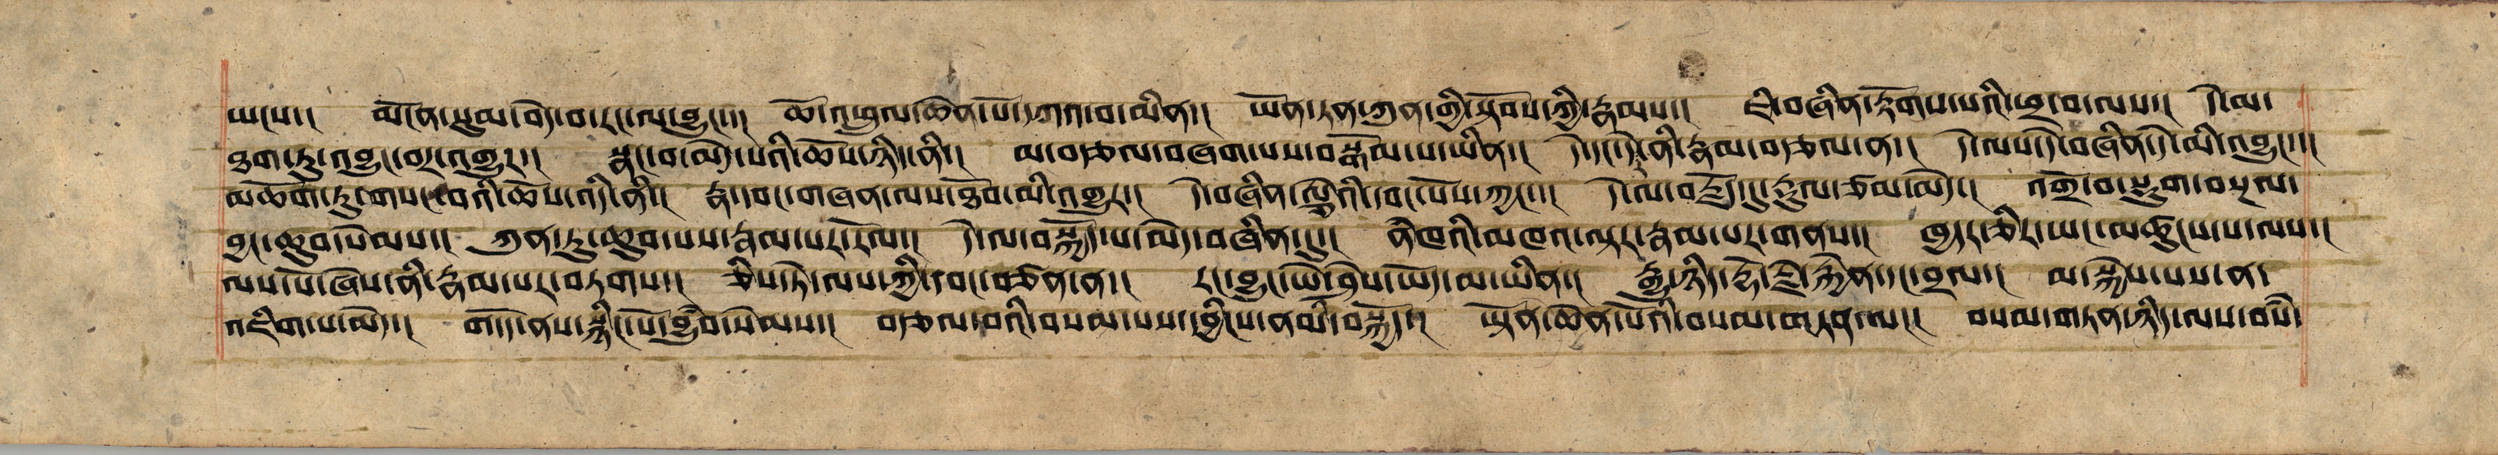ཡངས་། མངོན་སུམ་བདེ་བ་རང་ལ་བྱུང་་། ཆོ་འཕྲུལ་ཆེན་པོ་དཀའ་བ་མིན་། ཡོན་ཏན་ཀུན་གྱི་སྟོབས་ཀྱི་རྣམས་། ཇི་བཞིན་རྟོགས་པའི་ཕྲ་བ་ལས་། དེ་མ་
ཐག་ཏུ་འབྱུང་བར་འགྱུར་། སྣང་བ་མེད་པའི་ཆོས་ཉིད་ནི་། མ་བརྩལ་བཞག་པས་བསྒོམ་པ་ཡིན་། དེ་དང་དེར་ནི་རྣམ་བརྩལ་ན་། དེ་ལས་དེ་བཞིན་དེ་མི་འབྱུང་་།
མཆོག་ཏུ་གསང་བའི་ཆོས་འདི་ནི་། རྣ་དབང་གཞན་ལས་ཐོབ་མི་འགྱུར་། དེ་བཞིན་ལྕེའི་དབང་པོས་ཀྱང་་། དེ་ལ་བརྗོད་དུ་རྡུལ་ཙམ་མེད་། འགྲོ་བ་སྡུག་བསྔལ་
བྱང་ཆུབ་སེམས་། ཀུན་ཏུ་ཆུབ་པས་རྣམ་པར་རོལ་། དེ་ལ་བསྐྱོད་པ་མེད་བཞིན་དུ་། ནཾཁའི་མཁའ་ལྟར་རྣམ་པར་གནས་། ཁྱདར་ཅིར་ཡང་མཚུངས་པ་ལས་།
ལས་སོ་ཞེས་ནི་རྣམ་པར་བཏགས་། ཅིས་ཏེ་ལས་ཀྱི་དབང་བཙན་ན་། རང་བྱུང་ཡེ་ཤེས་ཡོད་མ་ཡིན་། རྒྱུ་ཉིད་རྡོ་རྗེ་རྐྱེན་དང་བྲལ་། མ་སྐྱེས་པས་ན་
འཇིག་པ་མེད་། གདོད་ནས་སྙིང་པོ་བྱུཾབ་སེམས་། བརྩལ་བའི་བསམ་པས་དབྱིངས་ནམ་བསྐྱོད་། ཡྟོན་ཆེན་པོའི་བསམ་གཏན་ལ།། བསམ་གཏན་ཉིད་ལས་བསཾ་